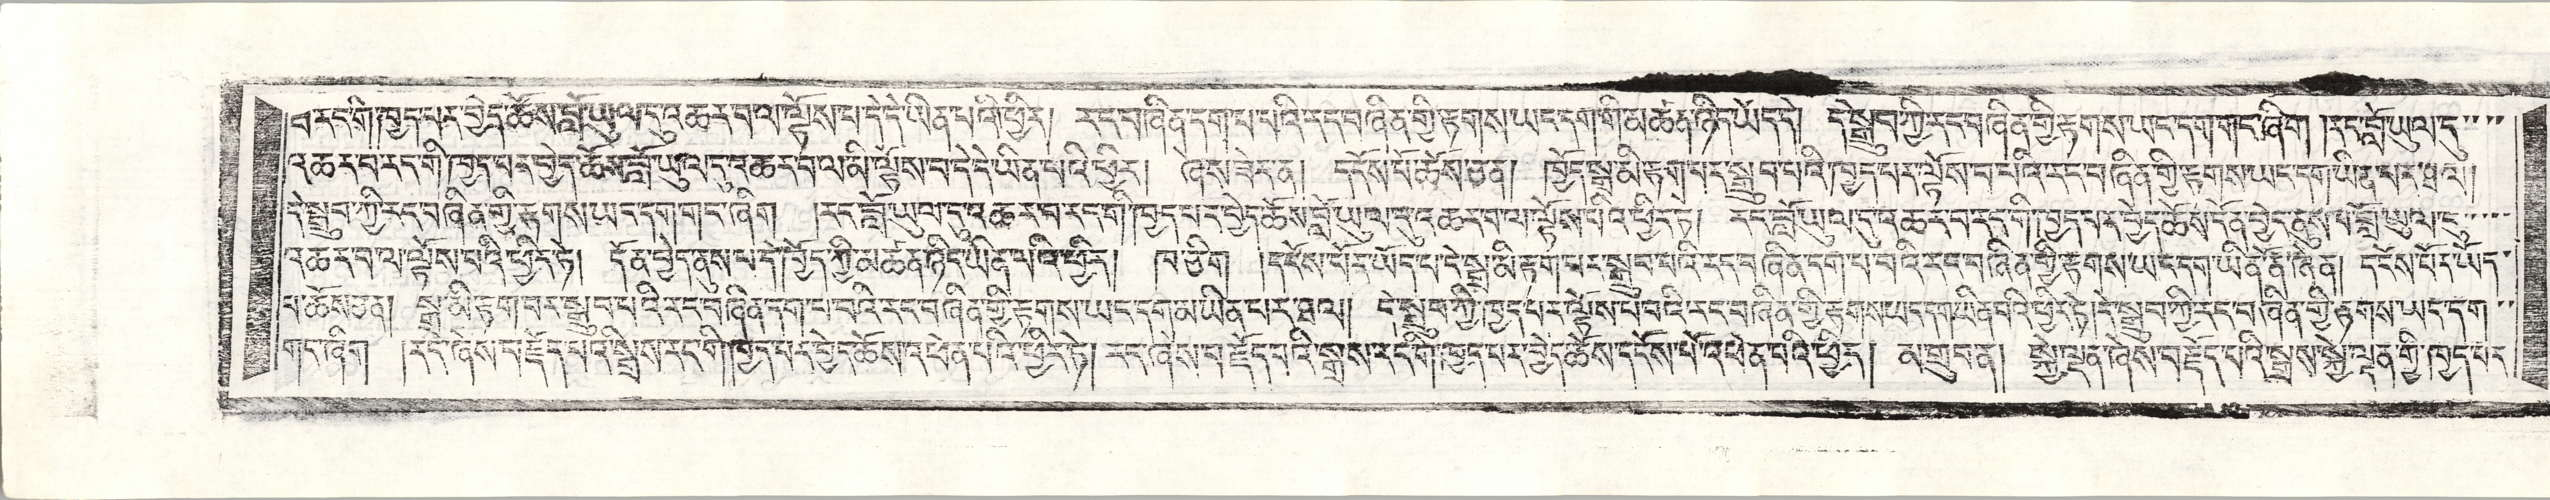བ་རང་གི་ཁྱད་པར་བྱེད་ཆོས་བློ་ཡུལ་དུ་འཆར་བ་ལ་ལྟོས་པ་དེ་དེ་ཡིན་པའི་ཕྱིར། རང་བཞིན་དག་པ་བའི་རང་བཞིན་གྱི་རྟགས་ཡང་དག་གི་མཚན་ཉིད་ཡོད་དེ། དེ་སྒྲུབ་ཀྱི་རང་བཞིན་གྱི་རྟགས་ཡང་དག་གང་ཞིག །རང་བློ་ཡུལ་དུ་
འཆར་བ་རང་གི་ཁྱད་པར་བྱེད་ཆོས་བློ་ཡུལ་དུ་འཆར་བ་ལ་མི་ལྟོས་པ་དེ་དེ་ཡིན་པའི་ཕྱིར། ཞེས་ཟེར་ན། དངོས་པོ་ཆོས་ཅན། ཁྱོད་སྒྲ་མི་རྟག་པར་སྒྲུབ་པའི་ཁྱད་པར་ལྟོས་པ་བའི་རང་བཞིན་གྱི་རྟགས་ཡང་དག་ཡིན་པར་ཐལ།
དེ་སྒྲུབ་ཀྱི་རང་བཞིན་གྱི་རྟགས་ཡང་དག་གང་ཞིག །རང་བློ་ཡུལ་དུ་འཆར་བ་རང་གི་ཁྱད་པར་བྱེད་ཆོས་བློ་ཡུལ་དུ་འཆར་བ་ལ་ལྟོས་པའི་ཕྱིར་ཏེ། རང་བློ་ཡུལ་དུ་འཆར་བ་རང་གི་ཁྱད་པར་བྱེད་ཆོས་དོན་བྱེད་ནུས་པ་བློ་ཡུལ་དུ་
འཆར་བ་ལ་ལྟོས་པའི་ཕྱིར་ཏེ། དོན་བྱེད་ནུས་པ་དེ་ཁྱོད་ཀྱི་མཚན་ཉིད་ཡིན་པའི་ཕྱིར། ཁ་ཅིག །དངོས་པོར་ཡོད་པ་དེ་སྒྲ་མི་རྟག་པར་སྒྲུབ་པའི་རང་བཞིན་དག་པ་བའི་རང་བཞིན་གྱི་རྟགས་ཡང་དག་ཡིན་ནོ་ཞེ་ན། དངོས་པོར་ཡོད་
པ་ཆོས་ཅན། སྒྲ་མི་རྟག་པར་སྒྲུབ་པའི་རང་བཞིན་དག་པ་བའི་རང་བཞིན་གྱི་རྟགས་ཡང་དག་མ་ཡིན་པར་ཐལ། དེ་སྒྲུབ་ཀྱི་ཁྱད་པར་ལྟོས་པ་བའི་རང་བཞིན་གྱི་རྟགས་ཡང་དག་ཡིན་པའི་ཕྱིར་ཏེ། དེ་སྒྲུབ་ཀྱི་རང་བཞིན་གྱི་རྟགས་ཡང་དག་
གང་ཞིག །རང་ཞེས་བརྗོད་པའི་སྒྲས་རང་གི་ཁྱད་པར་བྱེད་ཆོས་འཕེན་པའི་ཕྱིར་ཏེ། རང་ཞེས་བརྗོད་པའི་སྒྲས་རང་གི་ཁྱད་པར་བྱེད་ཆོས་དངོས་པོ་འཕེན་པའི་ཕྱིར། མ་གྲུབ་ན། སྐྱེ་ལྡན་ཞེས་བརྗོད་པའི་སྒྲས་སྐྱེ་ལྡན་གྱི་ཁྱད་པར་